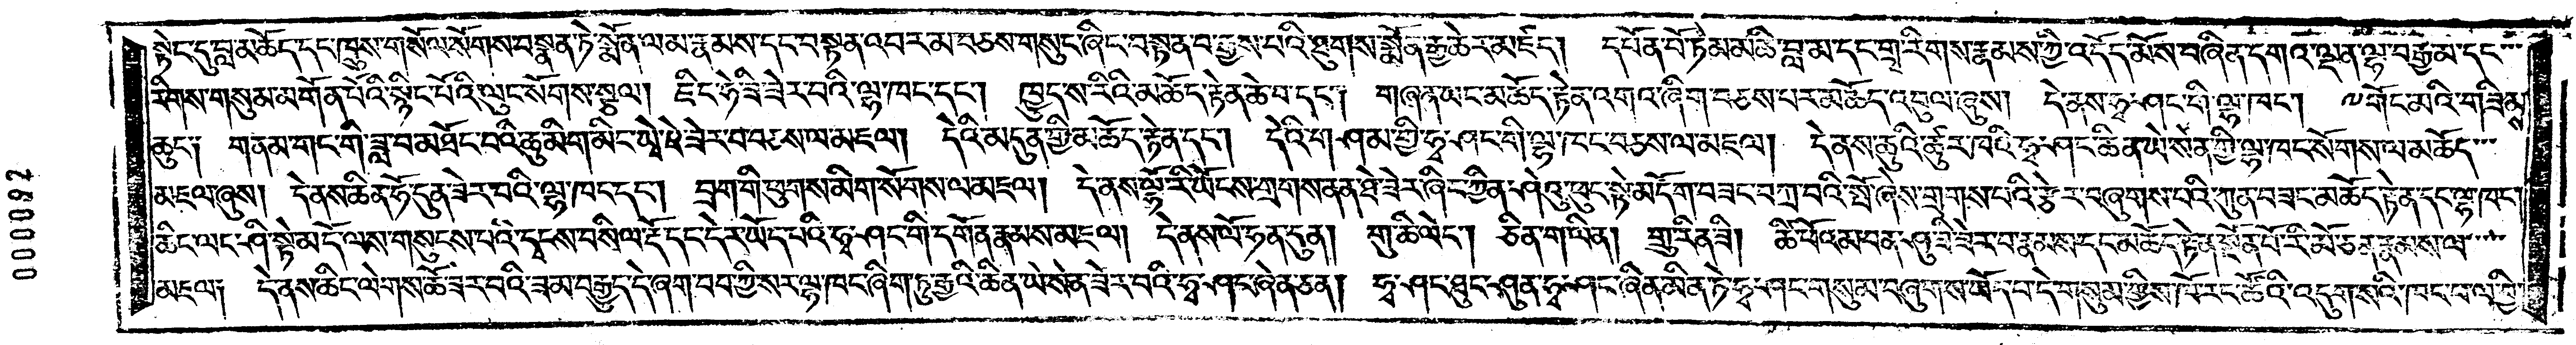སྟེང་དུ་བླ་མཆོད་དང་ཁྲུས་གསོལ་སོགས་བསྣན་ཏེ་སྨོན་ལམ་རྣམས་དང་བསྟན་འབར་མ་བཅས་གསུང་ཞིང་བསྟན་པ་རྒྱས་པའི་ཐུགས་སྨོན་རྒྱ་ཆེར་མཛད། དཔོན་བོ་ཏེམ་མཆི་བླ་མ་དང་གྲྭ་རིགས་རྣམས་ཀྱི་འདོད་མོས་བཞིན་དགའ་ལྡན་ལྷ་བརྒྱ་མ་དང་
རིགས་གསུམ་མགོན་པོའི་སྙིང་པོའི་ལུང་སོགས་སྩལ། ཇིང་ཧེ་ཟི་ཟེར་པའི་ལྷ་ཁང་དང་། ཁྱུད་ས་རིའི་མཆོད་རྟེན་ཆེ་བ་དང་། གཞན་ཡང་མཆོད་རྟེན་འགའ་ཞིག་བཅས་པར་མཆོད་འབུལ་ཞུས། དེ་ནས་ཧྭ་ཤང་གི་ལྷ་ཁང་། ༧གོང་མའི་གཟིམས་
ཆུང༑ གནམ་གང་གི་ཟླ་བ་མཐོང་བའི་ཆུ་མིག་མིང་ཡྭེ་ཊཿཨེ་ཟེར་བ་བཅས་ལ་མཇལ། དེའི་མདུན་གྱི་མཆོད་རྟེན་དང་། དེའི་གཤམ་གྱི་ཧྭ་ཤང་གི་ལྷ་ཁང་བཅས་ལ་མཇལ། དེ་ནས་ཆུའི་ཚུར་ཁའི་ཧྭ་ཤང་ཆིན་ཡེ་སེན་གྱི་ལྷ་ཁང་སོགས་ལ་མཆོད་
མཇལ་ཞུས། དེ་ནས་ཆིན་ཧོ་དུན་ཟེར་བའི་ལྷ་ཁང་དང་། བྲག་གི་ཕུགས་མིག་སོགས་ལ་མཇལ། དེ་ནས་ལྷོ་རི་ཡོངས་གྲགས་ནན་ཐེ་ཟེར་ཞིང་ཀྱིན?་ཤེའུ་ཕུང་སྟེ་མདོག་བཟང་བཀྲ་བའི་སྤ་ཞེས་གྲགས་པའི་རྩེར་བཞུགས་པའི་ཀུན་བཟང་མཆོད་རྟེན་དང་ལྷ་ཁང་
ཆིང་ལང་ཤི་སྟེ་མདོ་ལས་གསུངས་པའི་དྭངས་བསིལ་རྡོ་དང་དེར་ཡོད་པའི་ཧྭ་ཤང་གི་དགོན་རྣམས་མཇལ། དེ་ནས་ལོ་ཧན་དུན། གུ་ཆི་ལེང་། ཅིན་ག་ལིན། གྲུ་རིན་ཟི། ཚི་ཕོང་མ་བན་ཤུ་ཟི་ཟེར་བ་རྣམས་དང་མཆོད་རྟེན་སྔོན་པོ་རི་མོ་ཅན་རྣམས་ལ་
མཇལ༑ དེ་ནས་ཆིང་ལེགས་ཆོ་ཟེར་བའི་ཟམ་བརྒྱུད་དེ་ཞག་བབ་ཀྱི་སར་ལྷ་ཁང་ཞིག་ཏུ་རྒྱའི་ཆིན་ཡེ་སེན་ཟེར་བའི་ཧྭ་ཤང་ཞེན་ཅན། ཧྭ་ཤང་ཐུང་ཤུན་ཧྭ་ཤང་ཞིན་མིན་ཏེ་ཧྭ་ཤང་གསུམ་བཞུགས་ཡོད་པ་དེ་གསུམ་གྱིས་ཁོ་རང་ཚོའི་འདུག་སའི་ཁང་བ་ལ་བྱི་